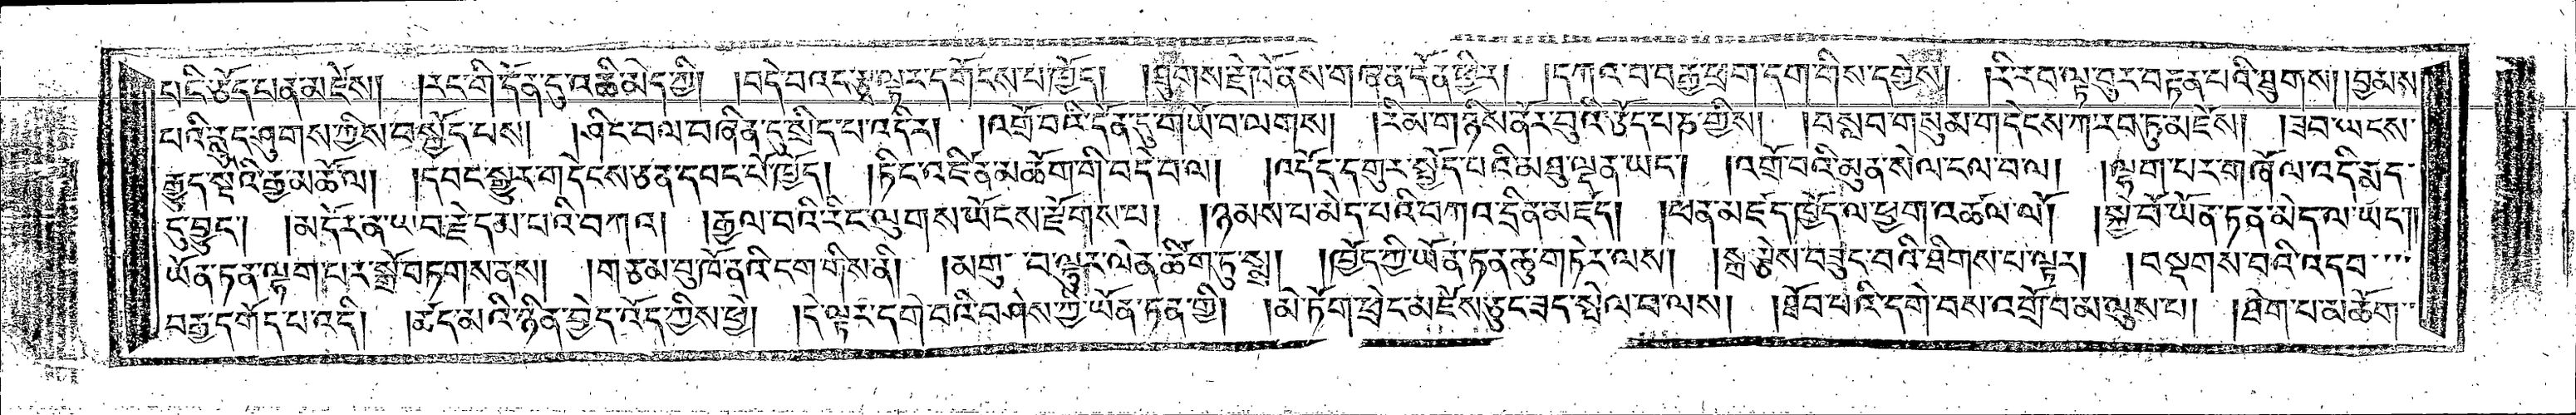པའི་ཅོད་པན་མཛེས། །རང་གི་དོན་དུ་འཆི་མེད་ཀྱི། །བདེ་པའང་རྩྭ་ལྟར་དགོངས་པ་ཁྱོད། །ཐུགས་རྗེ་ཁོ་ནས་གཞན་དོན་ཕྱིར། །དཀའ་བ་བརྒྱ་ཕྲག་དག་གིས་དགྱེས། །རི་རབ་ལྟ་བུར་བརྟན་པའི་ཐུགས། །བྱམས་
པའི་རླུང་ཤུགས་ཀྱིས་བསྐྱོད་པས། །ཤིང་བལ་བཞིན་དུ་སྲིད་པ་འདིར། །འགྲོ་བའི་དོན་དུ་གཡོ་བ་ལགས། །རིམ་གཉིས་ནོར་བུའི་ཅོད་པཎ་གྱིས། །བསླབ་གསུམ་གདེངས་ཀ་རབ་ཏུ་མཛེས། །ཟབ་ཡངས་
རྒྱུད་སྡེའི་རྒྱ་མཚོ་ལ། །དབང་སྒྱུར་གདེངས་ཅན་དབང་པོ་ཁྱོད། །ཏིང་འཛིན་མཆོག་གི་བདེ་བ་ལ། །འདོད་དགུར་སྤྱོད་པའི་མཐུ་ལྡན་ཡང་། །འགྲོ་བའི་མུན་སེལ་ངལ་བ་ལ། །ལྷག་པར་གཞོལ་འདི་རྨད་
དུ་བྱུང་། །མདོར་ན་ཡབ་རྗེ་དམ་པའི་བཀའ། །རྒྱལ་བའི་རིང་ལུགས་ཡོངས་རྫོགས་པ། །ཉམས་པ་མེད་པའི་བཀའ་དྲིན་མཛད། །ཕན་མཛད་ཁྱོད་ལ་ཕྱག་འཚལ་ལོ། །སྐྱེ་བོ་ཡོན་ཏན་མེད་ལ་ཡང་། །
ཡོན་ཏན་ལྷག་པར་སྒྲོ་བཏགས་ནས། །གཅམ་བུ་ཁོ་ནའི་ངག་གིས་ནི། །མགུ་བ་ལྷུར་ལེན་ཚིག་ཏུ་སྨྲ། །ཁྱོད་ཀྱི་ཡོན་ཏན་ཆུ་གཏེར་ལས། །སྐྲ་རྩེས་བཟུང་བའི་ཐིགས་པ་ལྟར། །བསྔགས་བའི་འདབ་
བརྒྱ་དགོད་པ་འདི། །ཚད་མའི་ཉིན་བྱེད་འོད་ཀྱིས་ཕྱེ། །དེ་ལྟར་དགེ་བའི་བཤེས་ཀྱི་ཡོན་ཏན་གྱི། །མེ་ཏོག་ཕྲེང་མཛེས་ཅུང་ཟད་སྤེལ་བ་ལས། །ཐོབ་པའི་དགེ་བས་འགྲོ་བ་མ་ལུས་པ། །ཐེག་པ་མཆོག་